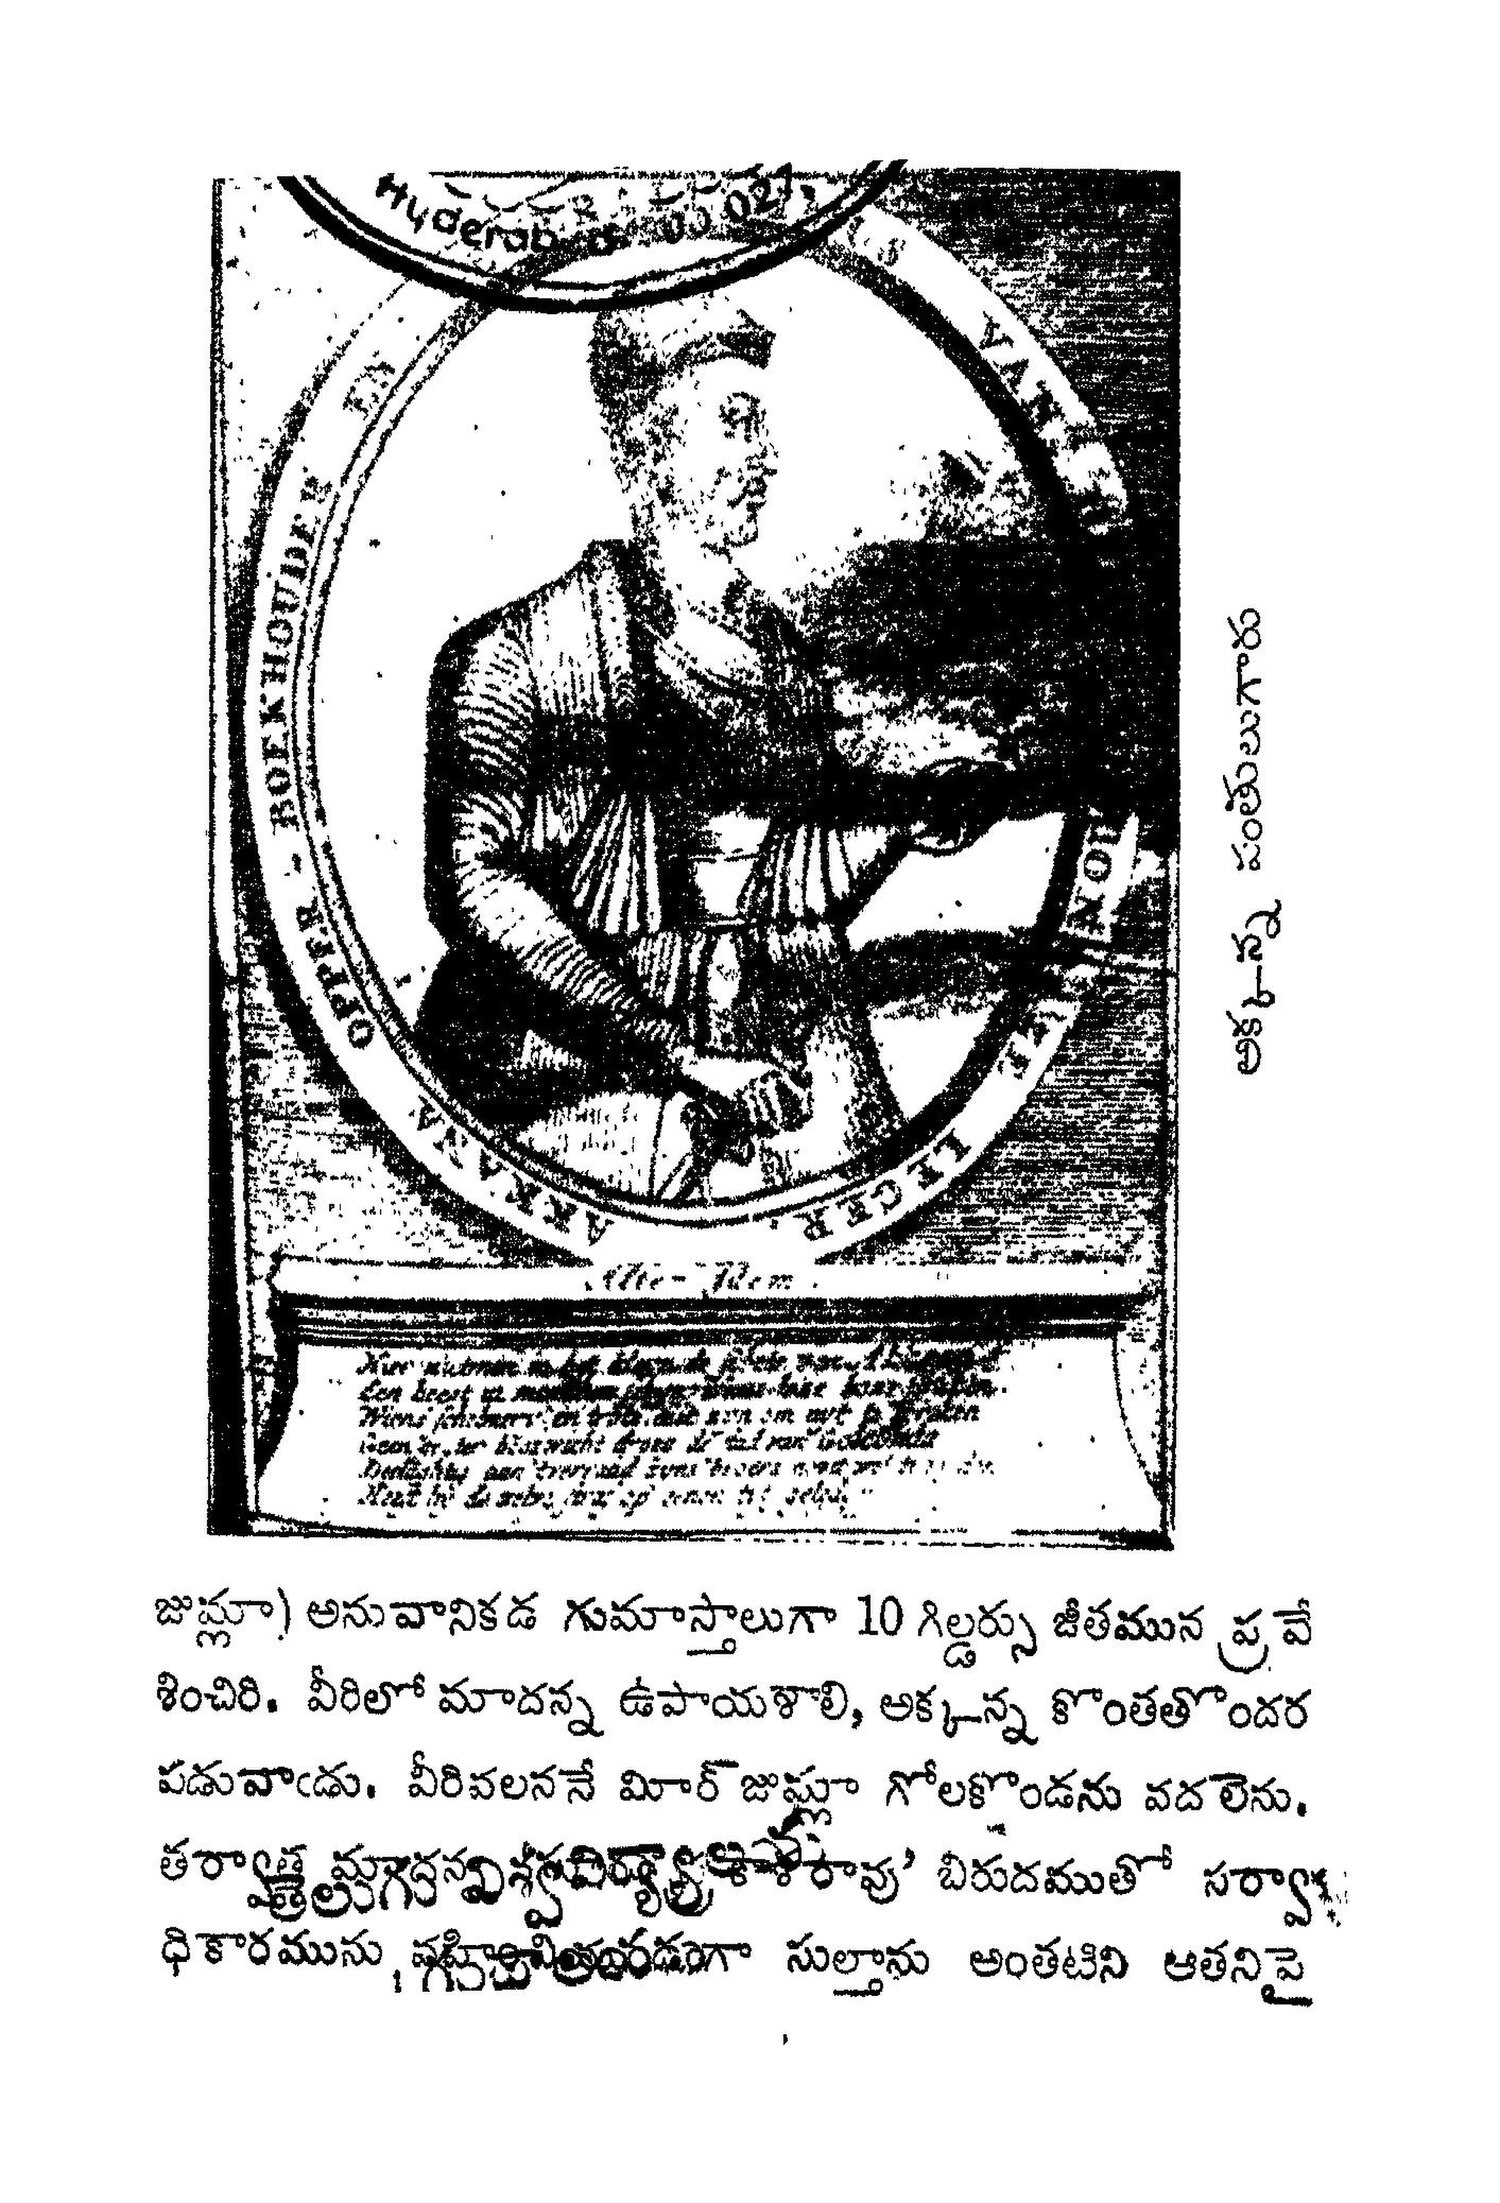జుమ్లా) అనువానికడ గుమాస్తాలుగా 10 గిల్డర్సు జీతమున ప్రవేశించిరి. వీరిలో మాదన్న ఉపాయశాలి, అక్కన్న కొంతతొందర పడువాఁడు. వీరివలననే మీర్‌జుమ్లా గోలకొండను వదలెను. తర్వాత మాదన్న ‘సూర్యప్రకాశరావు’ బిరుదముతో సర్వాధికారమును వహించియుండగా సుల్తాను అంతటిని ఆతనిపై